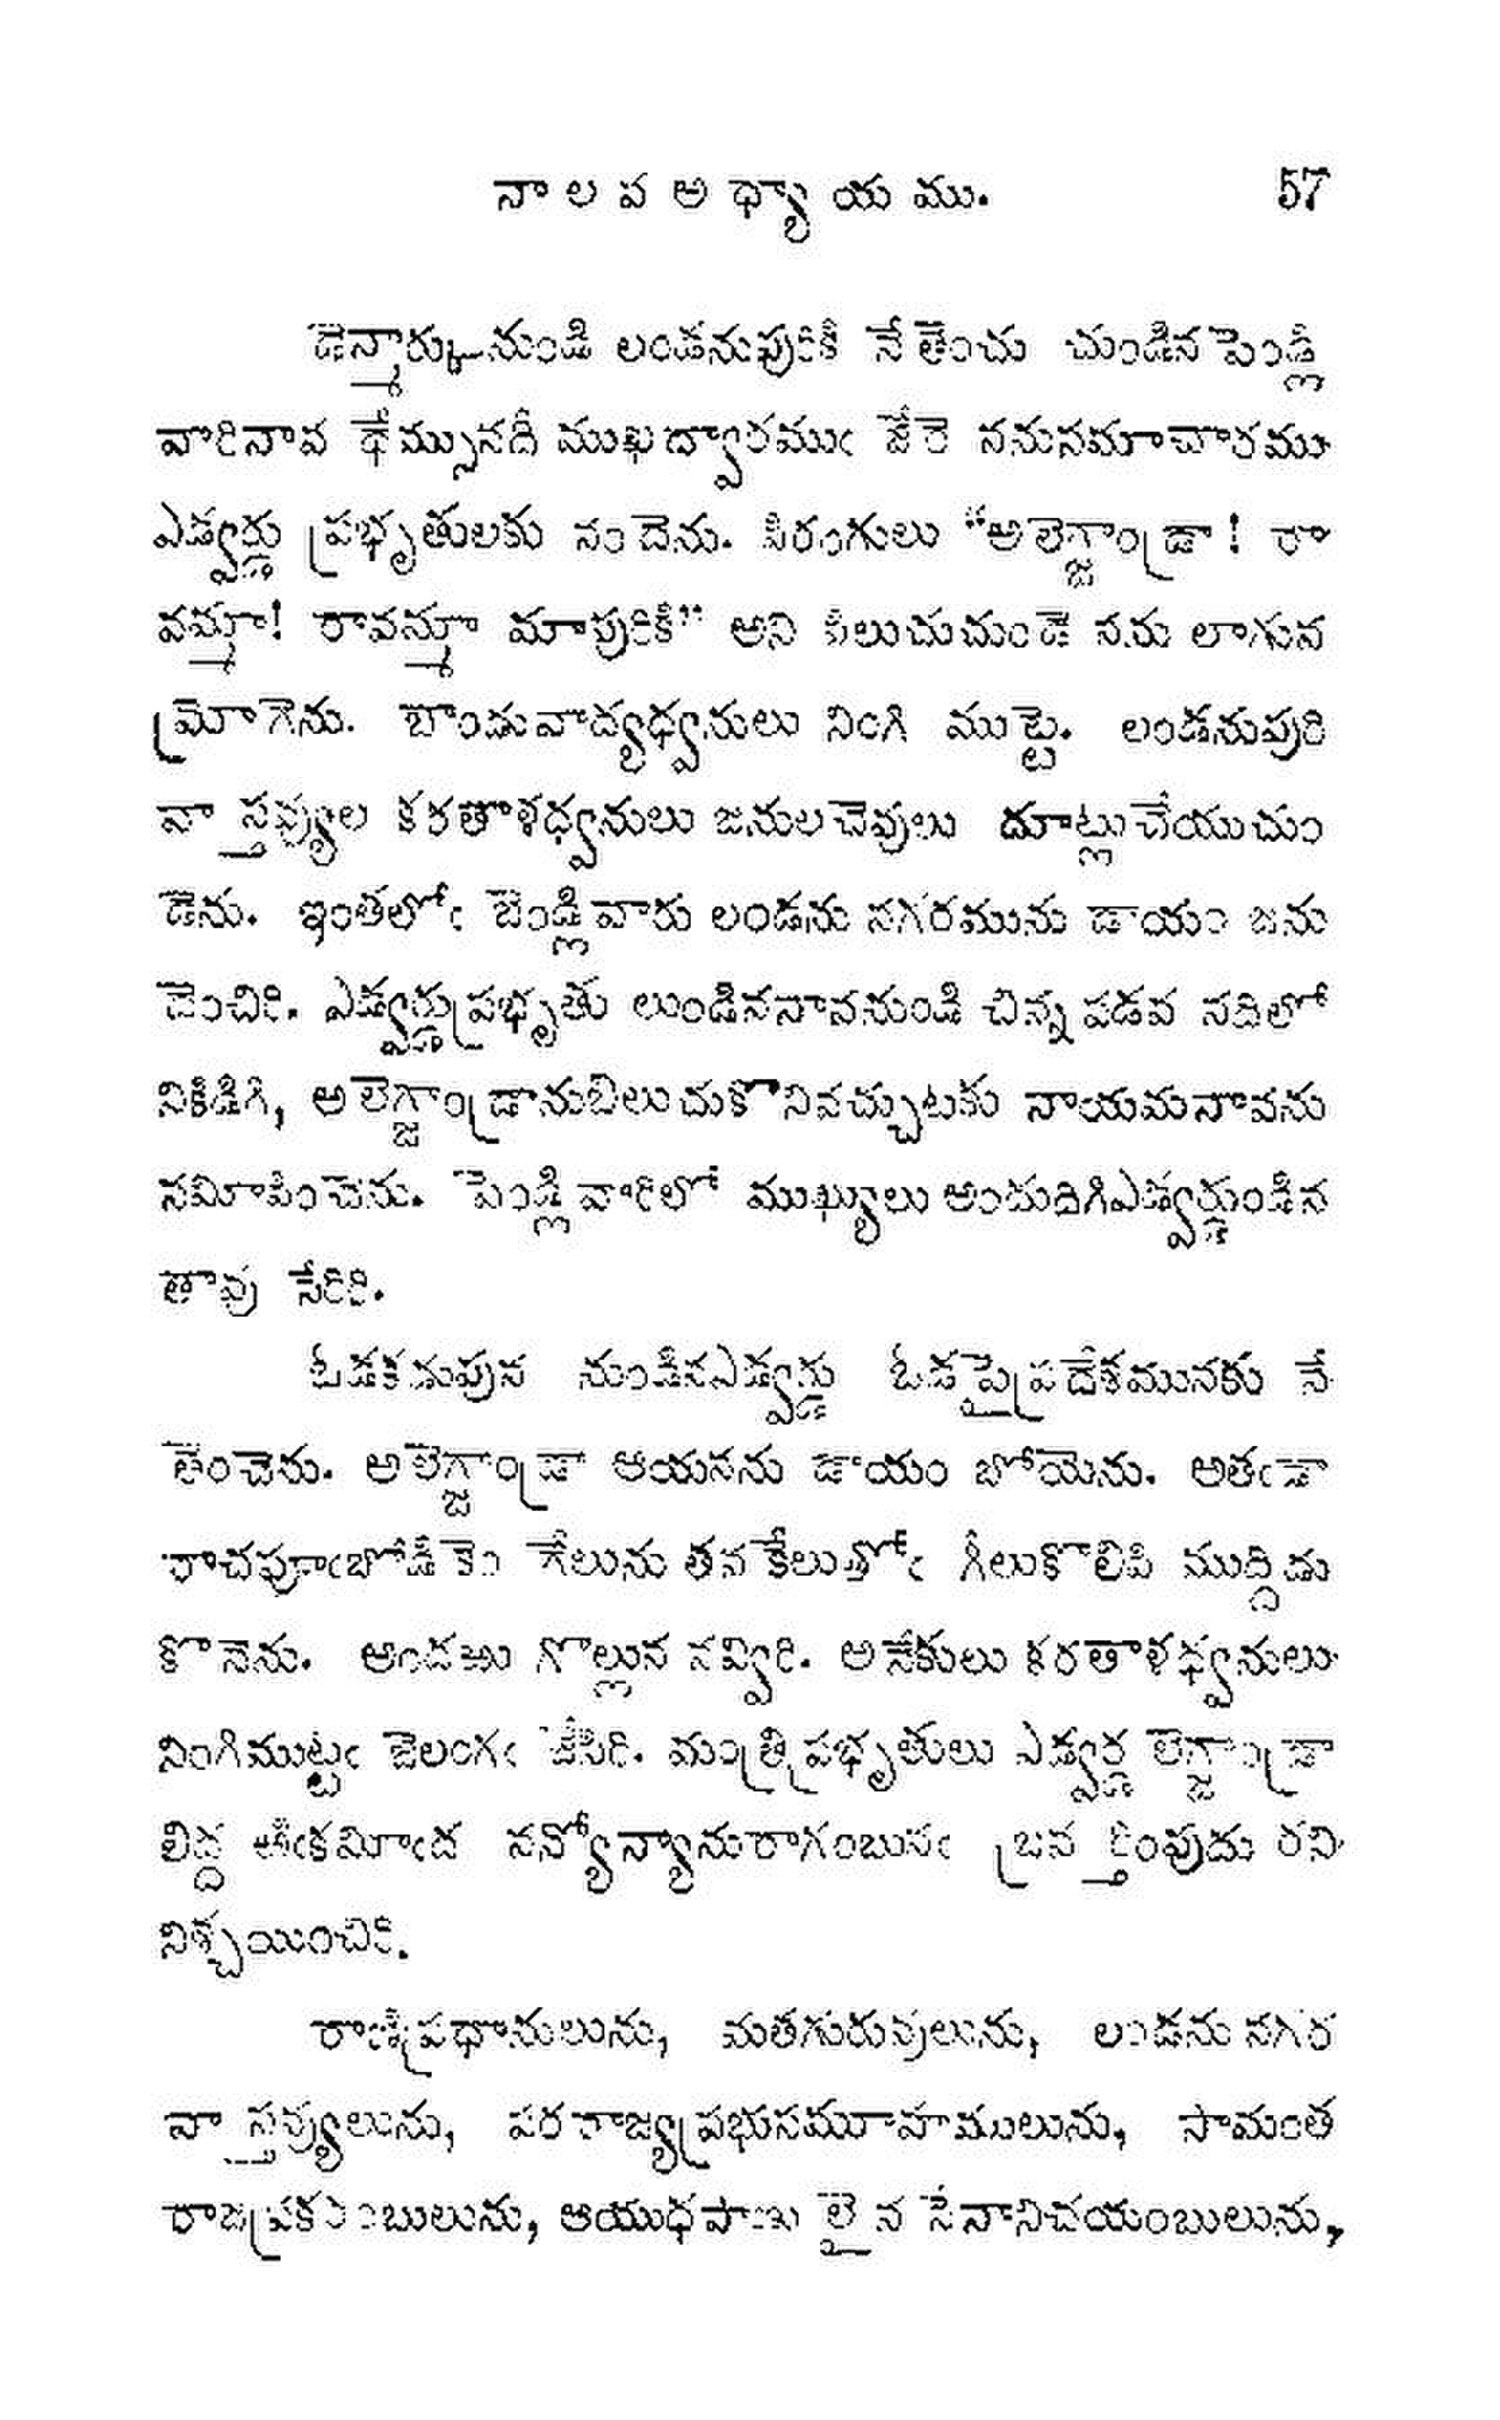డెన్మార్కు నుండి లండనుపురికీ నే తెంచు చుండిన పెండ్లి వారినావ థేమ్సునదీ ముఖ ద్వారముఁ జేరెనను సమాచారము ఎడ్వర్లు ప్రభృతులకు నందెను. పిరంగులు “అలెగ్జాండ్రా రా
వమ్మా! 'రావమ్మా మాపురికి" అని పిలుచుచుండె నను లాగున మ్రోగెను. బాండు వాద్య ధ్వనులు నింగి ముట్టె. లండను పురి "వా స్తవ్యుల కరతాళధ్వనులు జనుల చెవులు దూట్లు చేయుచుం
డెను. ఇంతలో బెండ్లి వారు లండను నగరమును డాయం జను దెంచిరి. ఎడ్వర్డు ప్రభృతు లుండిన నాననుండి చిన్న పడవ నదిలోనికి.డిగి, అలెగ్జాండ్రాను బిలుచుకొని వచ్చుటకు నాయమ నావను
సమీపించెను. పెళ్లి వారిలో ముఖ్యులు అందుదిగి ఎశ్వర్ణుండిన తావు సేరిరి.

ఓడకడుపున నుండిన ఎడ్వర్డు ఓడ పై ప్రదేశమునకు నే తెంచెను. అలెగ్జాండ్రా ఆయనను డాయం బోయెను. అతఁడా రాచపూఁబోడి కెం గేలును తన కేలుకో, గీలుకొలిపి ముద్దిడు కొనెను. అందఱు గొల్లున నవ్విరి. అనేకులు కరతాళ ధ్వనులు నింగి ముట్టం జెలంగఁ జేసిరి. మంత్రి ప్రభృతులు ఎడ్వర్ణ లెగ్జాండ్రాలిద్ద ఱికి మీద నన్యోన్యాను రాగంబునఁ బ్రవర్తించురని నిశ్చయించిరి,

రాణి ప్రధానులును, మతగురువులును, లండను నగరవా స్తవ్యులును, పరరాజ్య ప్రభు సమూహములును, సామంత రాజ ప్రకరం బులును, ఆయుధ పాణు లైన సేనానిచయంబులును,